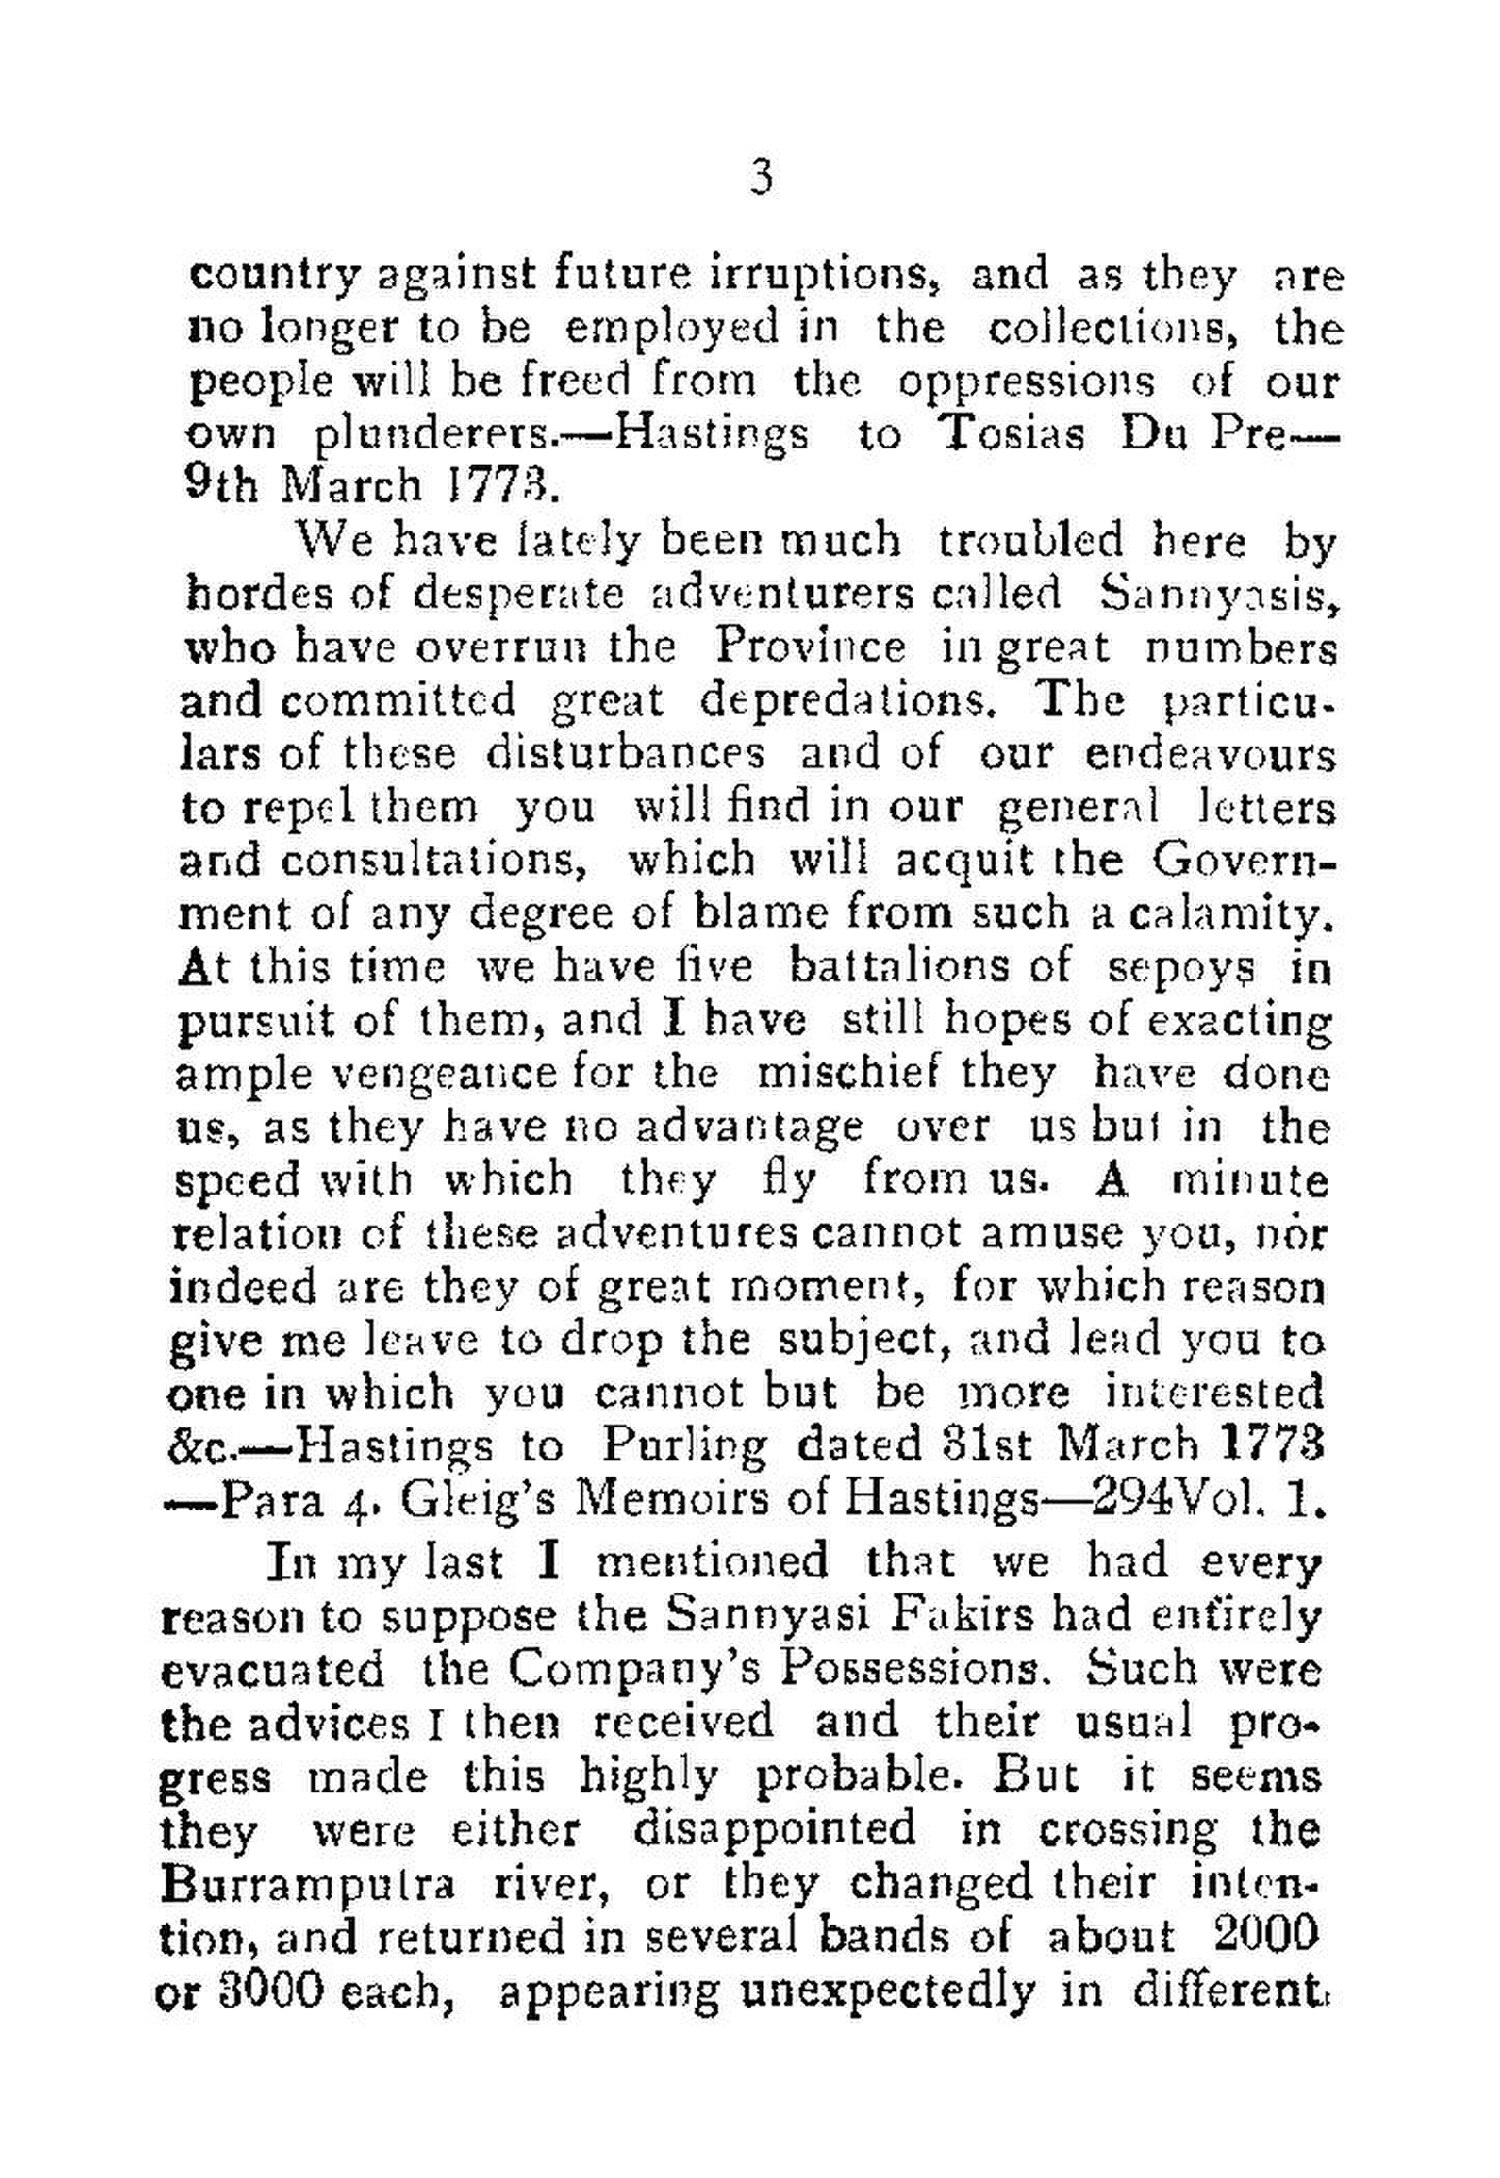country against future irruptions, and as they are no longer to be employed in the collections, the people will be freed from the oppressions of our own plunderers.—Hastings to Tosias Du Pre—9th March 1773.

We have lately been much troubled here by hordes of desperate adventurers called Sannyasis, who have overrun the Province in great numbers and committed great depredations. The particulars of these disturbances and of our endeavours to repel them you will find in our general letters and consultations, which will acquit the Government of any degree of blame from such a calamity. At this time we have five battalions of sepoys in pursuit of them, and I have still hopes of exacting ample vengeance for the mischief they have done us, as they have no advantage over us but in the speed with which they fly from us. A minute relation of these adventures cannot amuse you, nor indeed are they of great moment, for which reason give me leave to drop the subject, and lead you to one in which you cannot but be more interested &c.Hastings to Purling dated 31st March 1773—Para 4. Gleig's Memoirs of Hastings—294Vol. 1.

In my last I mentioned that we had every reason to suppose the Sannyasi Fakirs had entirely evacuated the Company's Possessions. Such were the advices I then received and their usual progress made this highly probable. But it seems they were either disappointed in crossing the Burrampulra river, or they changed their intention, and returned in several bands of about 2000 or 3000 each, appearing unexpectedly in different